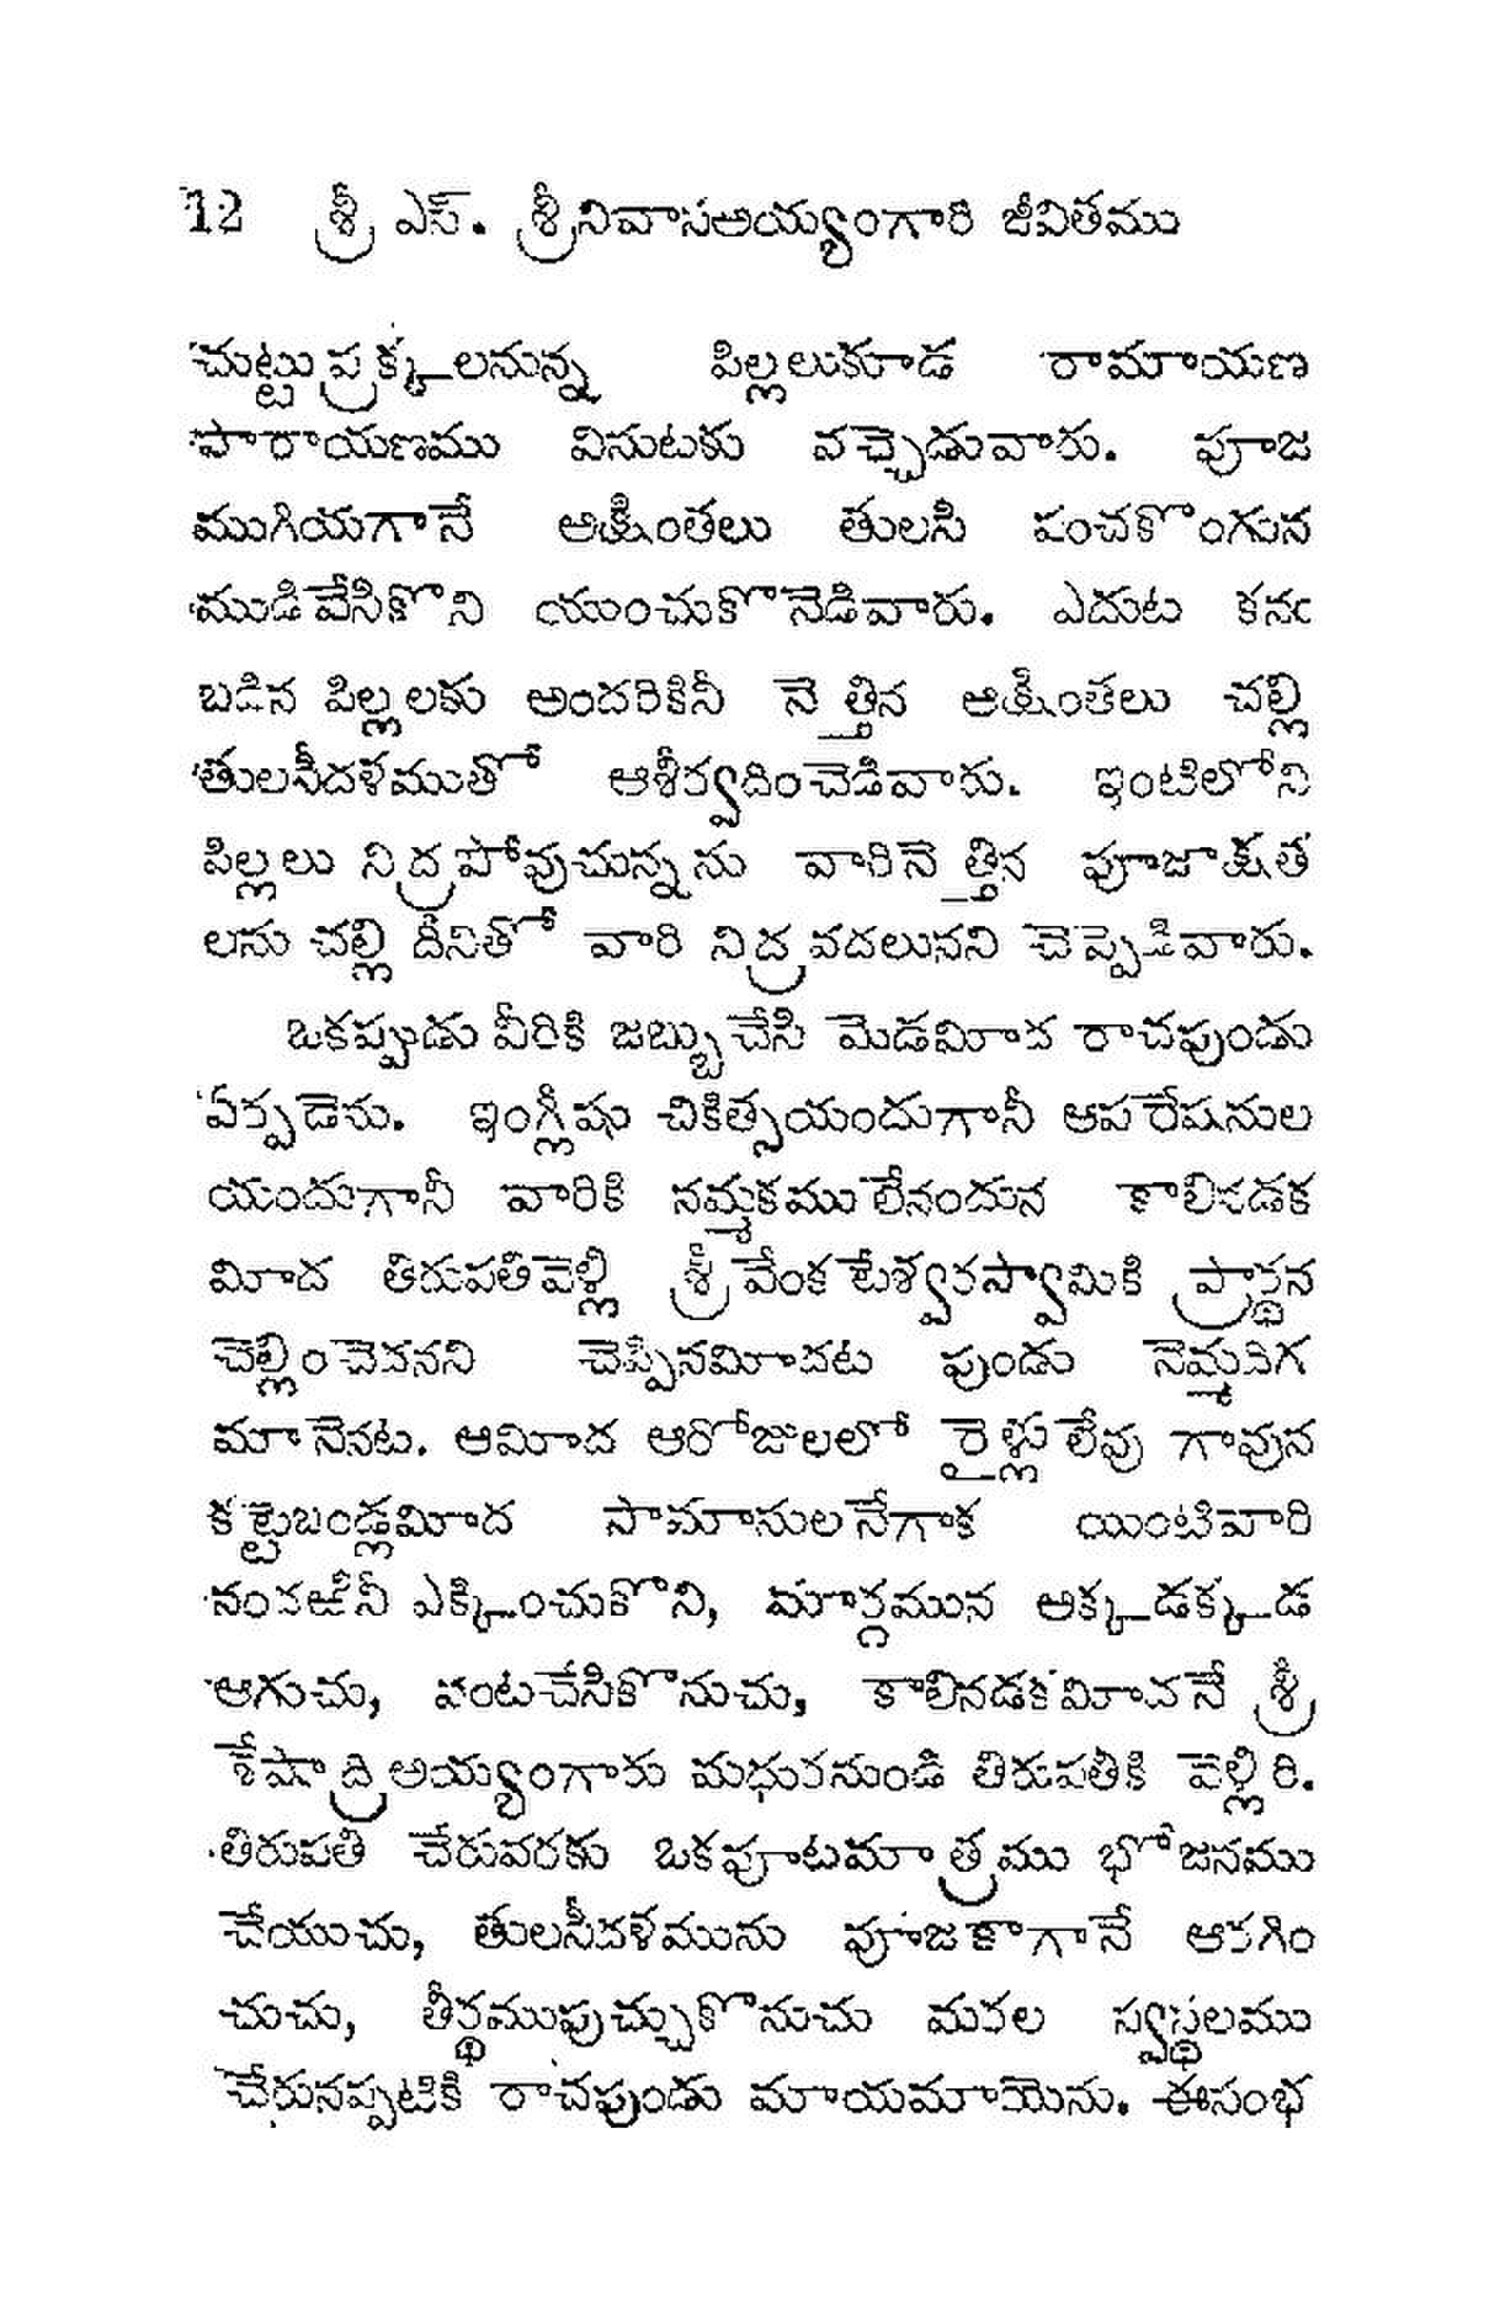చుట్టుప్రక్కలనున్న పిల్లలుకూడ రామాయణ పారాయణము వినుటకు వచ్చెడువారు. పూజ ముగియగానే అక్షింతలు తులసి పంచకొంగున ముడివేసికొని యుంచుకొనెడివారు. ఎదుట కనఁబడిన పిల్లలకు అందరికినీ నెత్తిన అక్షింతలు చల్లి తులసీదళముతో ఆశీర్వదించెడివారు. ఇంటిలోని పిల్లలు నిద్రపోవుచున్నను వారినెత్తిన పూజాక్షతలను చల్లి దీనితో వారి నిద్రవదలునని చెప్పెడివారు.

ఒకప్పుడు వీరికి జబ్బుచేసి మెడమీద రాచపుండు ఏర్పడెను. ఇంగ్లీషు చికిత్సయందుగానీ ఆపరేషనుల యందుగానీ వారికి నమ్మకములేనందున కాలినడక మీద తిరుపతివెళ్లి శ్రీవేంకటేశ్వరస్వామికి ప్రార్థన చెల్లించెదనని చెప్పినమీదట పుండు నెమ్మదిగ మానెనట. ఆమీద ఆరోజులలో రైళ్లులేవు గావున కట్టెబండ్లమీద సామానులనేగాక యింటివారి నందఱినీ ఎక్కించుకొని, మార్గమున అక్కడక్కడ ఆగుచు, వంటచేసికొనుచు, కాలినడకమీదనే శ్రీశేషాద్రిఅయ్యంగారు మధురనుండి తిరుపతికి వెళ్లిరి. తిరుపతి చేరువరకు ఒకపూటమాత్రము భోజనము చేయుచు, తులసీదళమును పూజకాగానే ఆరగించుచు, తీర్థముపుచ్చుకొనుచు మరల స్వస్థలము చేరునప్పటికి రాచపుండు మాయమాయెను. ఈసంభ